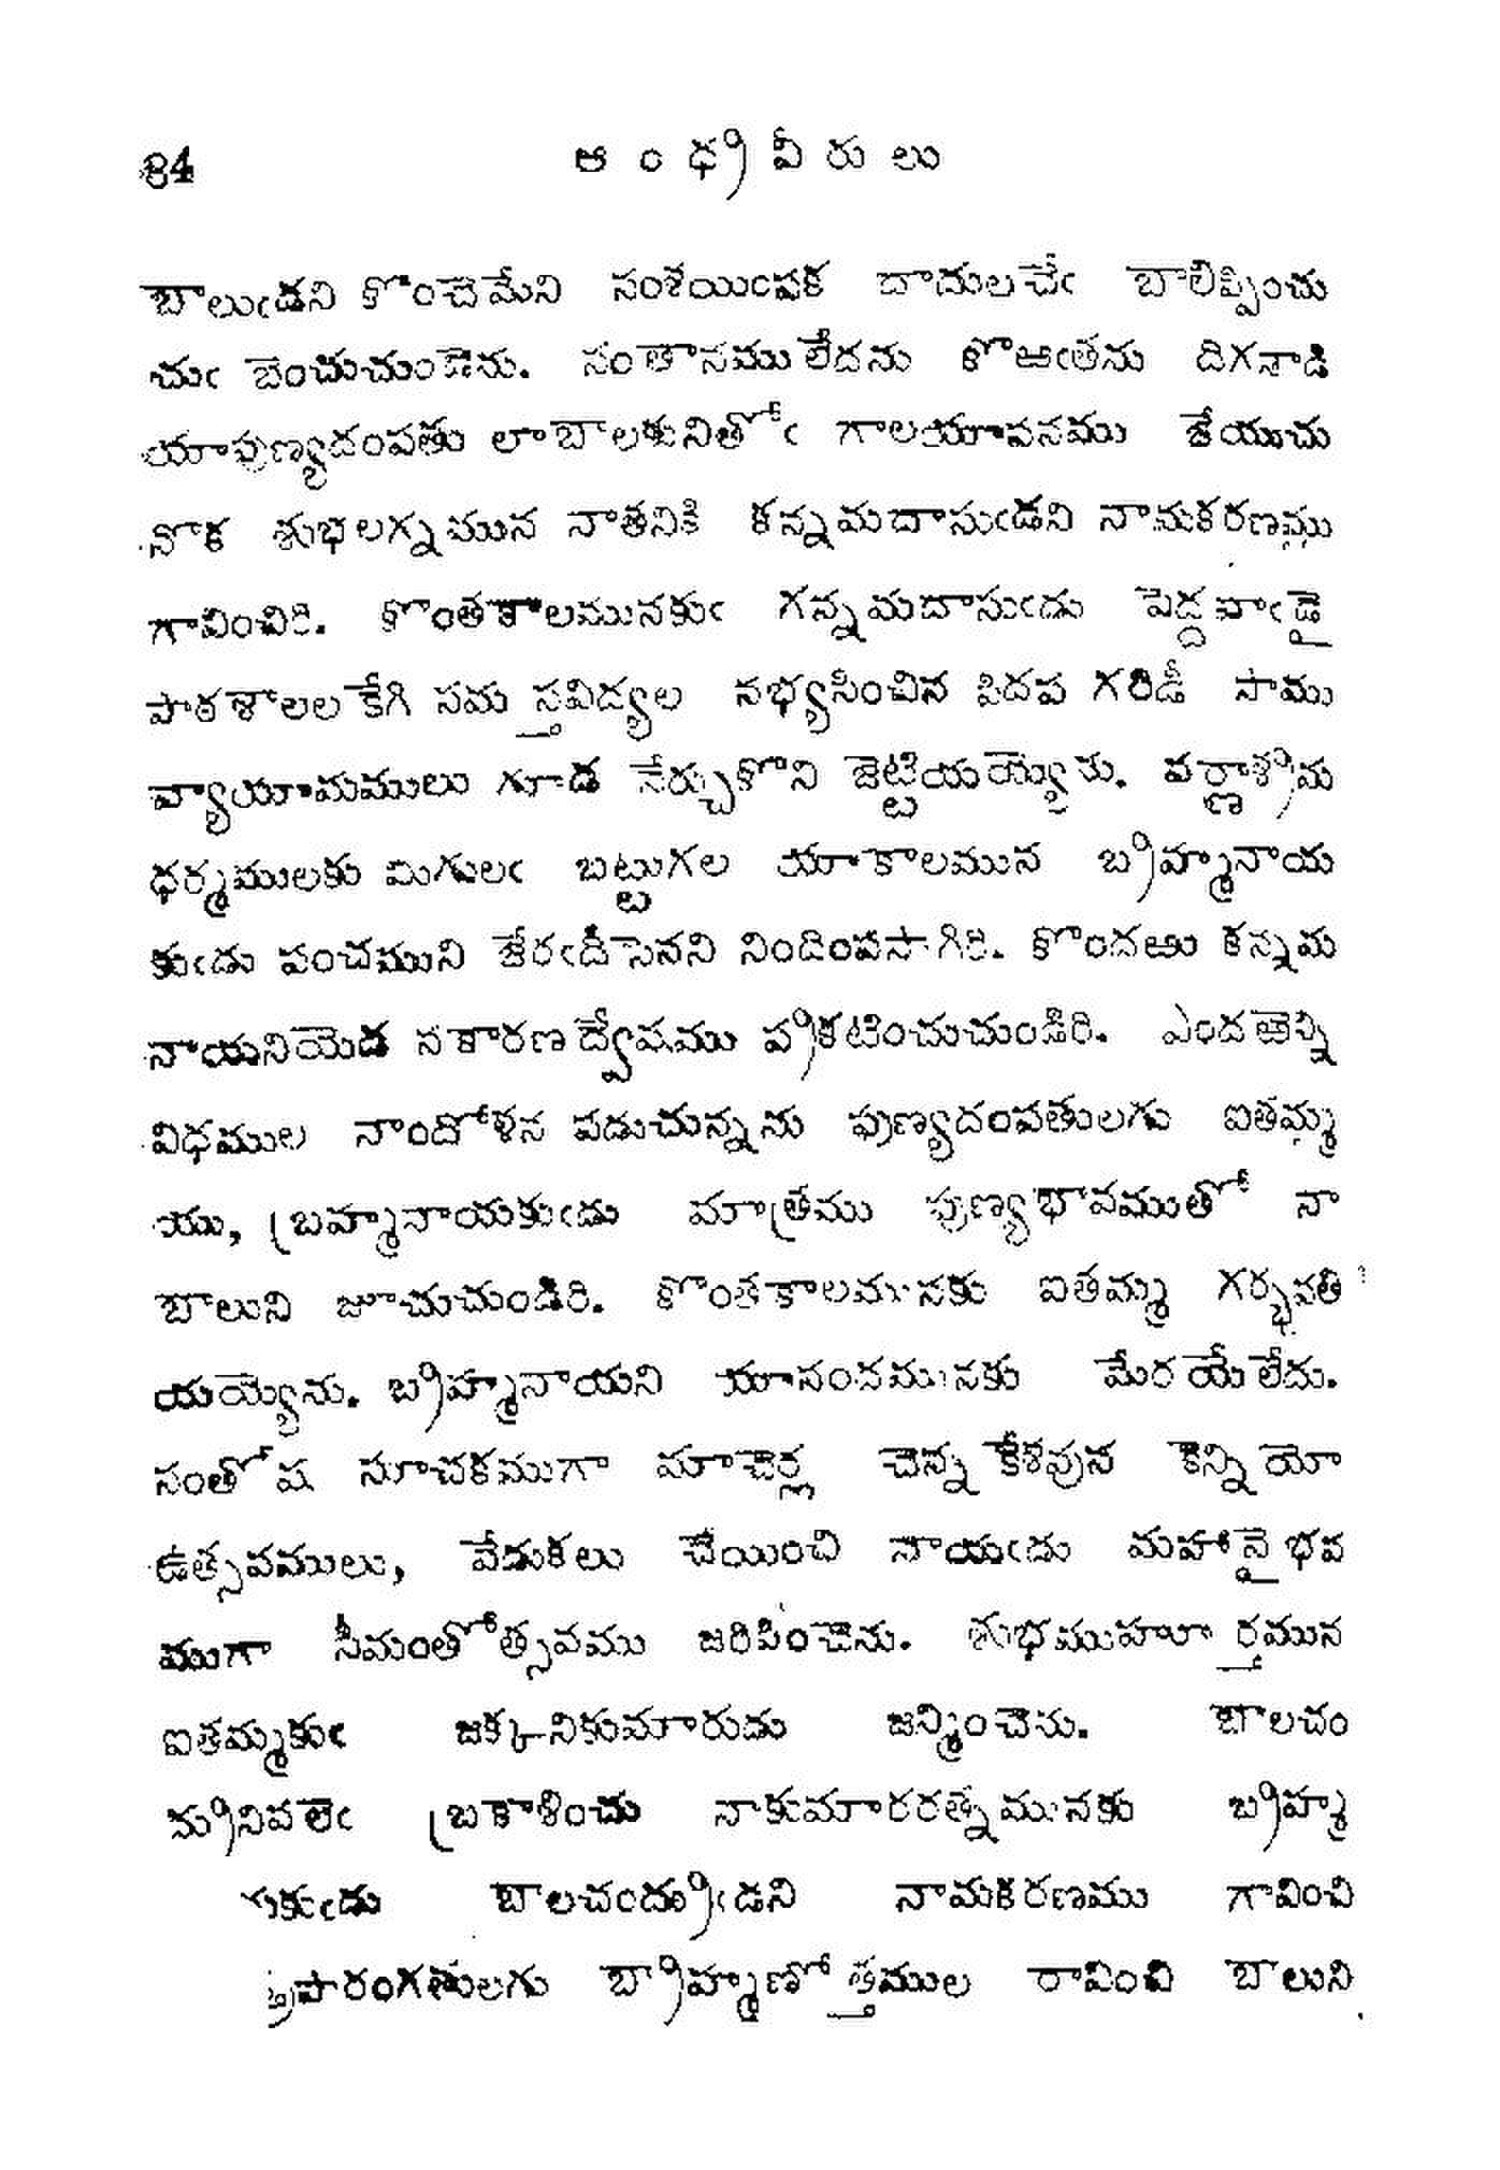బాలుడని కొంచెమేని సంశయింపక దాదులచే బాలిప్పించుచు బెంచుచుండెను. సంతానములేదను కొఱతను దిగనాడి యాపుణ్యదంపతు లాబాలకునితో గాలయాపనము జేయుచు నొక శుభలగ్నమున నాతనికి కన్నమదాసుడని నామకరణము గావించిరి. కొంతకాలమునకు గన్నమదాసుడు పెద్దవాడై పాఠాలలకేగి సమస్తవిద్యల నభ్యసించిన పిదప గరిడీ సాము వ్యాయమములు గూడ నేర్చుకొని జెట్టియయ్యెను. వర్ణాశ్రమ ధర్మములకు మిగుల బట్టుగల యాకాలమున బ్రహ్మనాయకుడు పంచముని జేరదీసెనని నిందింపసాగిరి. కొందఱు కన్నమనాయనియెడ నకారణద్వేషము ప్రకటించుచుండిరి. ఎందఱెన్ని విధముల నాందోళన పడుచున్నను పుణ్యదంపతులగు ఐతమ్మయు, బ్రహ్మనాయకుడు మాత్రము పుణ్యభావముతో నాబాలుని జూచుచుండిరి. కొంతకాలమునకు ఐతమ్మ గర్భవతియయ్యెను. బ్రహ్మనాయని యానందమునకు మేరయేలేదు. సంతోష సూచకముగా మాచెర్ల చెన్నకేశవున కెన్నియో ఉత్సవములు, వేడుకలు చేయించి నాయడు మహావైభవముగా సీమంతోత్సవము జరిపించెను. శుభముహూర్తమున ఐతమ్మకు జక్కనికుమారుడు జన్మించెను. బాలచంద్రునివలె బ్రకాశించు నాకుమారరత్నమునకు బ్రహ్మనాయకుడు బాలచంద్రుడని నామకరణము గావించి శాస్త్రపారంగతులగు బ్రాహ్మణోత్తముల రావించి బాలుని